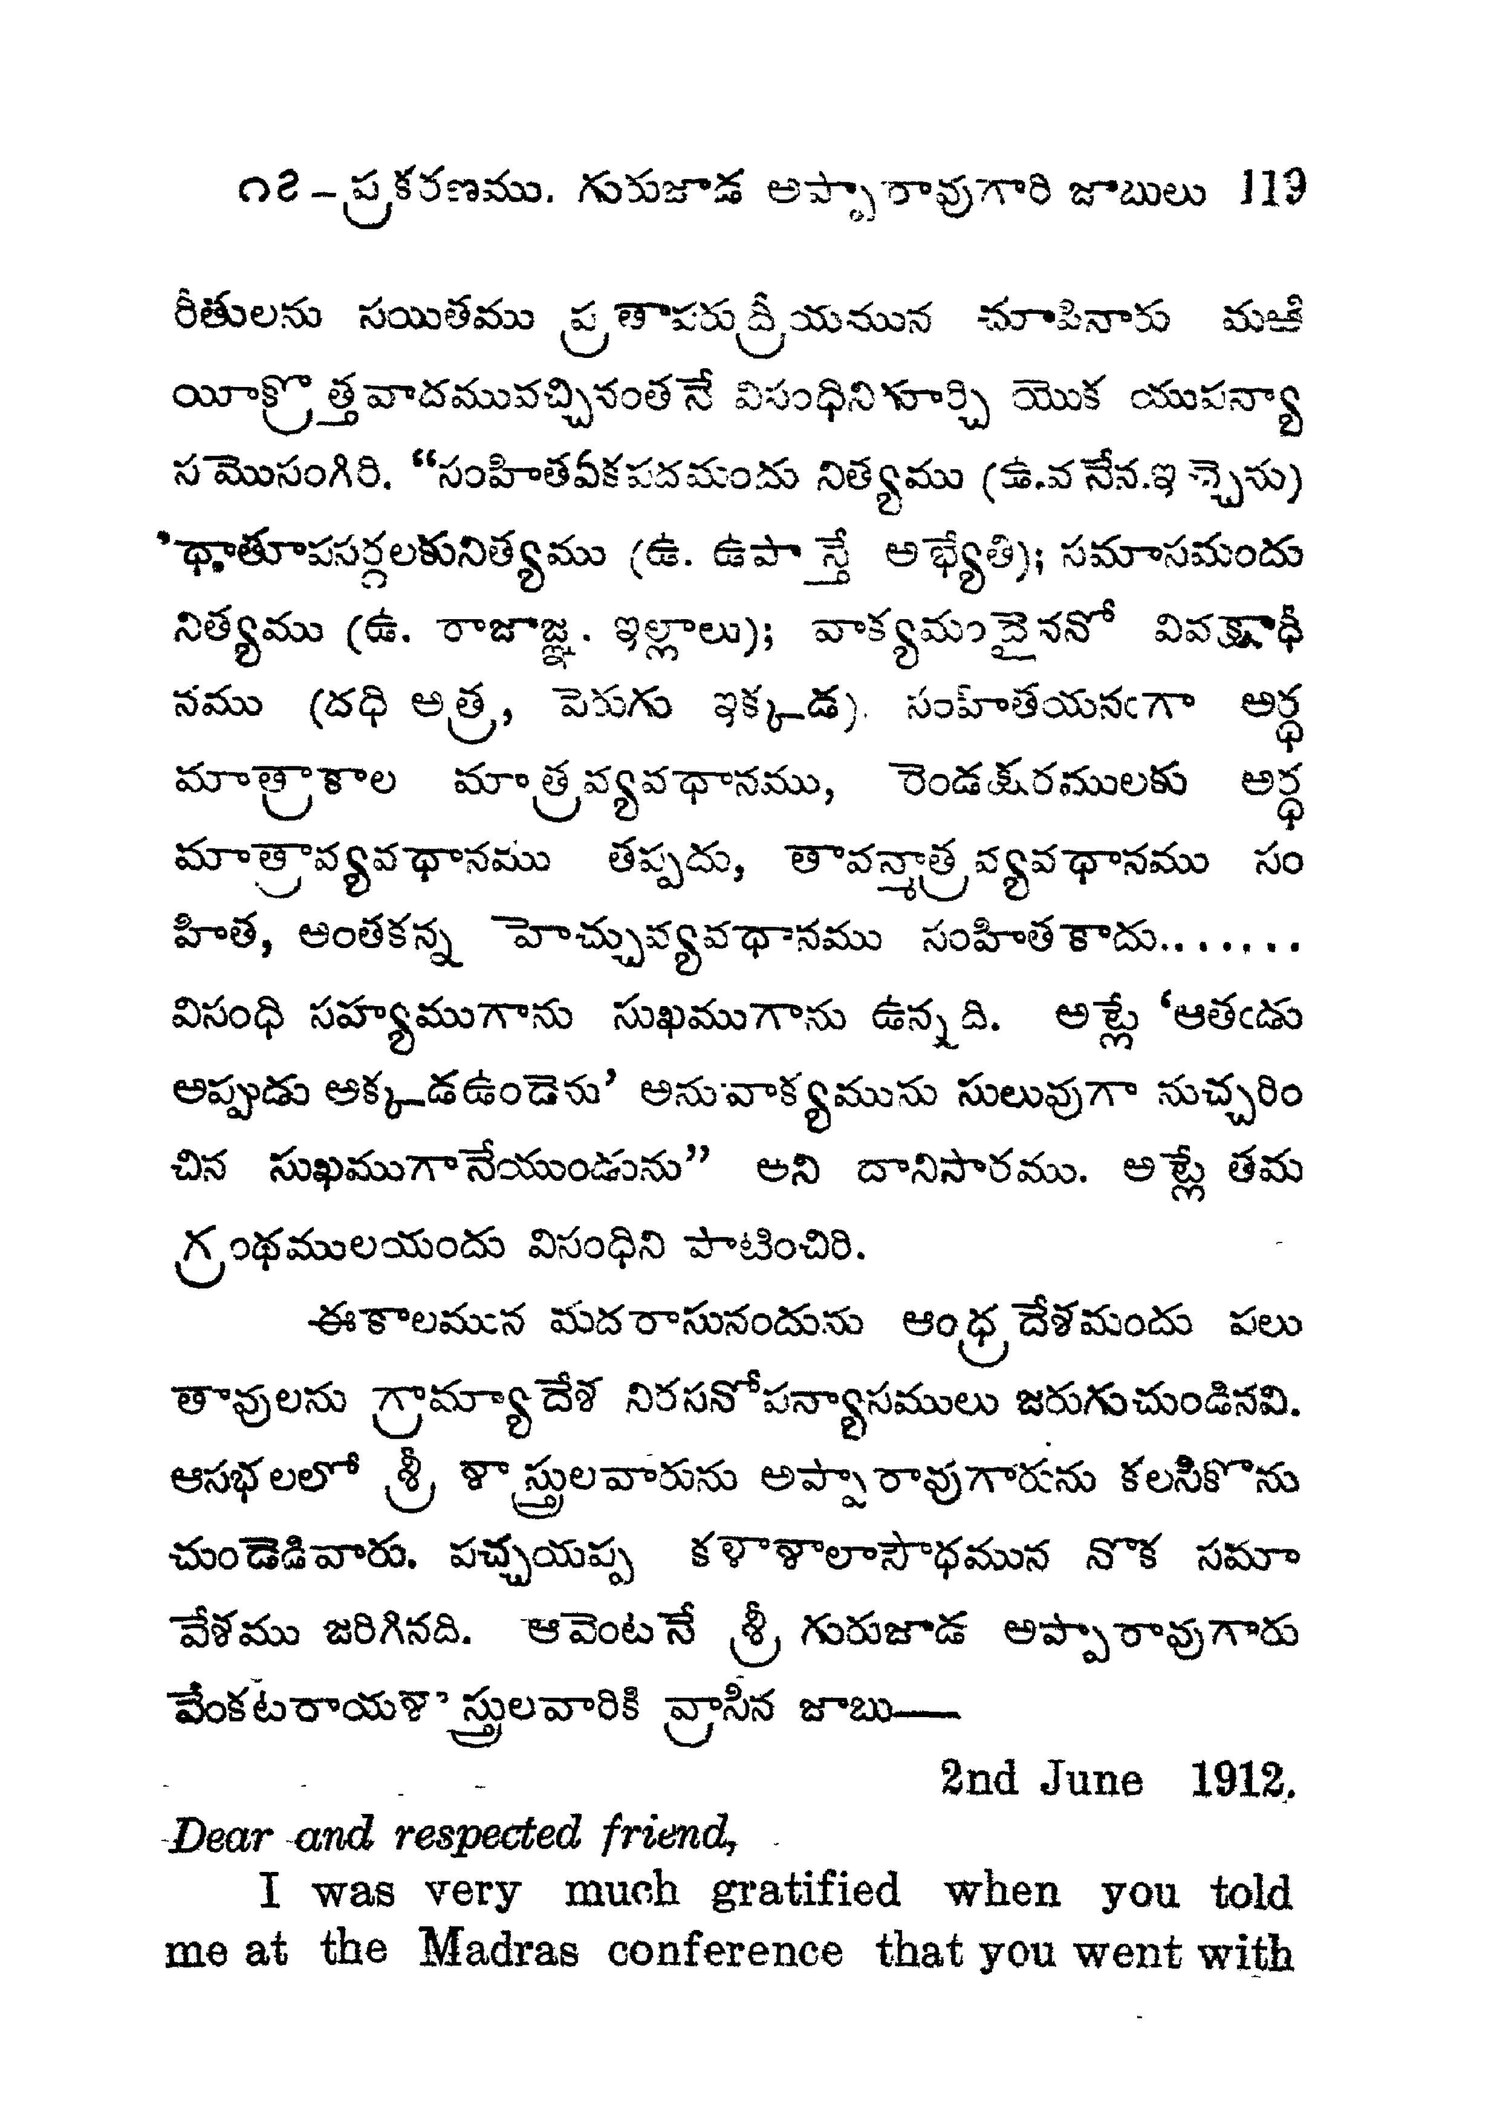రీతులను సయితము ప్రతాపరుద్రీయమున చూపినారు మఱి యీక్రొత్తవాదమువచ్చినంతనే విసంధినిగూర్చి యొక యుపన్యాసమొసంగిరి. "సంహితఏకపదమందు నిత్యము (ఉ.వనేన.ఇచ్చెను) ధా,తూపసర్గలకునిత్యము (ఉ. ఉపాన్తే అభ్యేతి); సమాసమందు నిత్యము (ఉ. రాజాజ్ఞ. ఇల్లాలు); వాక్యమందైననో వివక్షాధీనము (దధి అత్ర, పెరుగు ఇక్కడ) సంహితముగా అర్ధమాత్రాకాల మాత్రవ్యవధానము, రెండక్షరములకు అర్ధమాత్రావ్యవధానము తప్పదు, తావన్మాత్ర వ్యవథానము సంహిత, అంతకన్న హెచ్చువ్యవథానము సంహితకాదు....... విసంధి సహ్యముగాను సుఖముగాను ఉన్నది అట్లే 'అతడు అప్పుడు అక్కడఉండెను' అనువాక్యమును సులువుగా నుచ్చరించిన సుఖముగానేయుండును" అని దానిసారము. అట్లే తమ గ్రంథములయందు విసంధిని పాటించిరి.

ఈకాలమున మదరాసునందును ఆంధ్రడేశమందు పలుతావులను గ్రామ్యాదేశ నిరసనోపన్యాసములు జరుగుచుండినవి. ఆసభలలో శ్రీ శాస్త్రులవారును అప్పారావుగారును కలసికొనుచుండెడివారు. పచ్చయప్ప కళాశాలాసౌధమున నొక సమావేశము జరిగినది. ఆవెంటనే శ్రీ గురుజాడ అప్పారావుగారు వేంకటరాయశాస్త్రులవారికి వ్రాసిన జాబు-

2nd June 1912,
Dear and respected friend,

I was very much gratified when you told me at the Madras conference that you went with